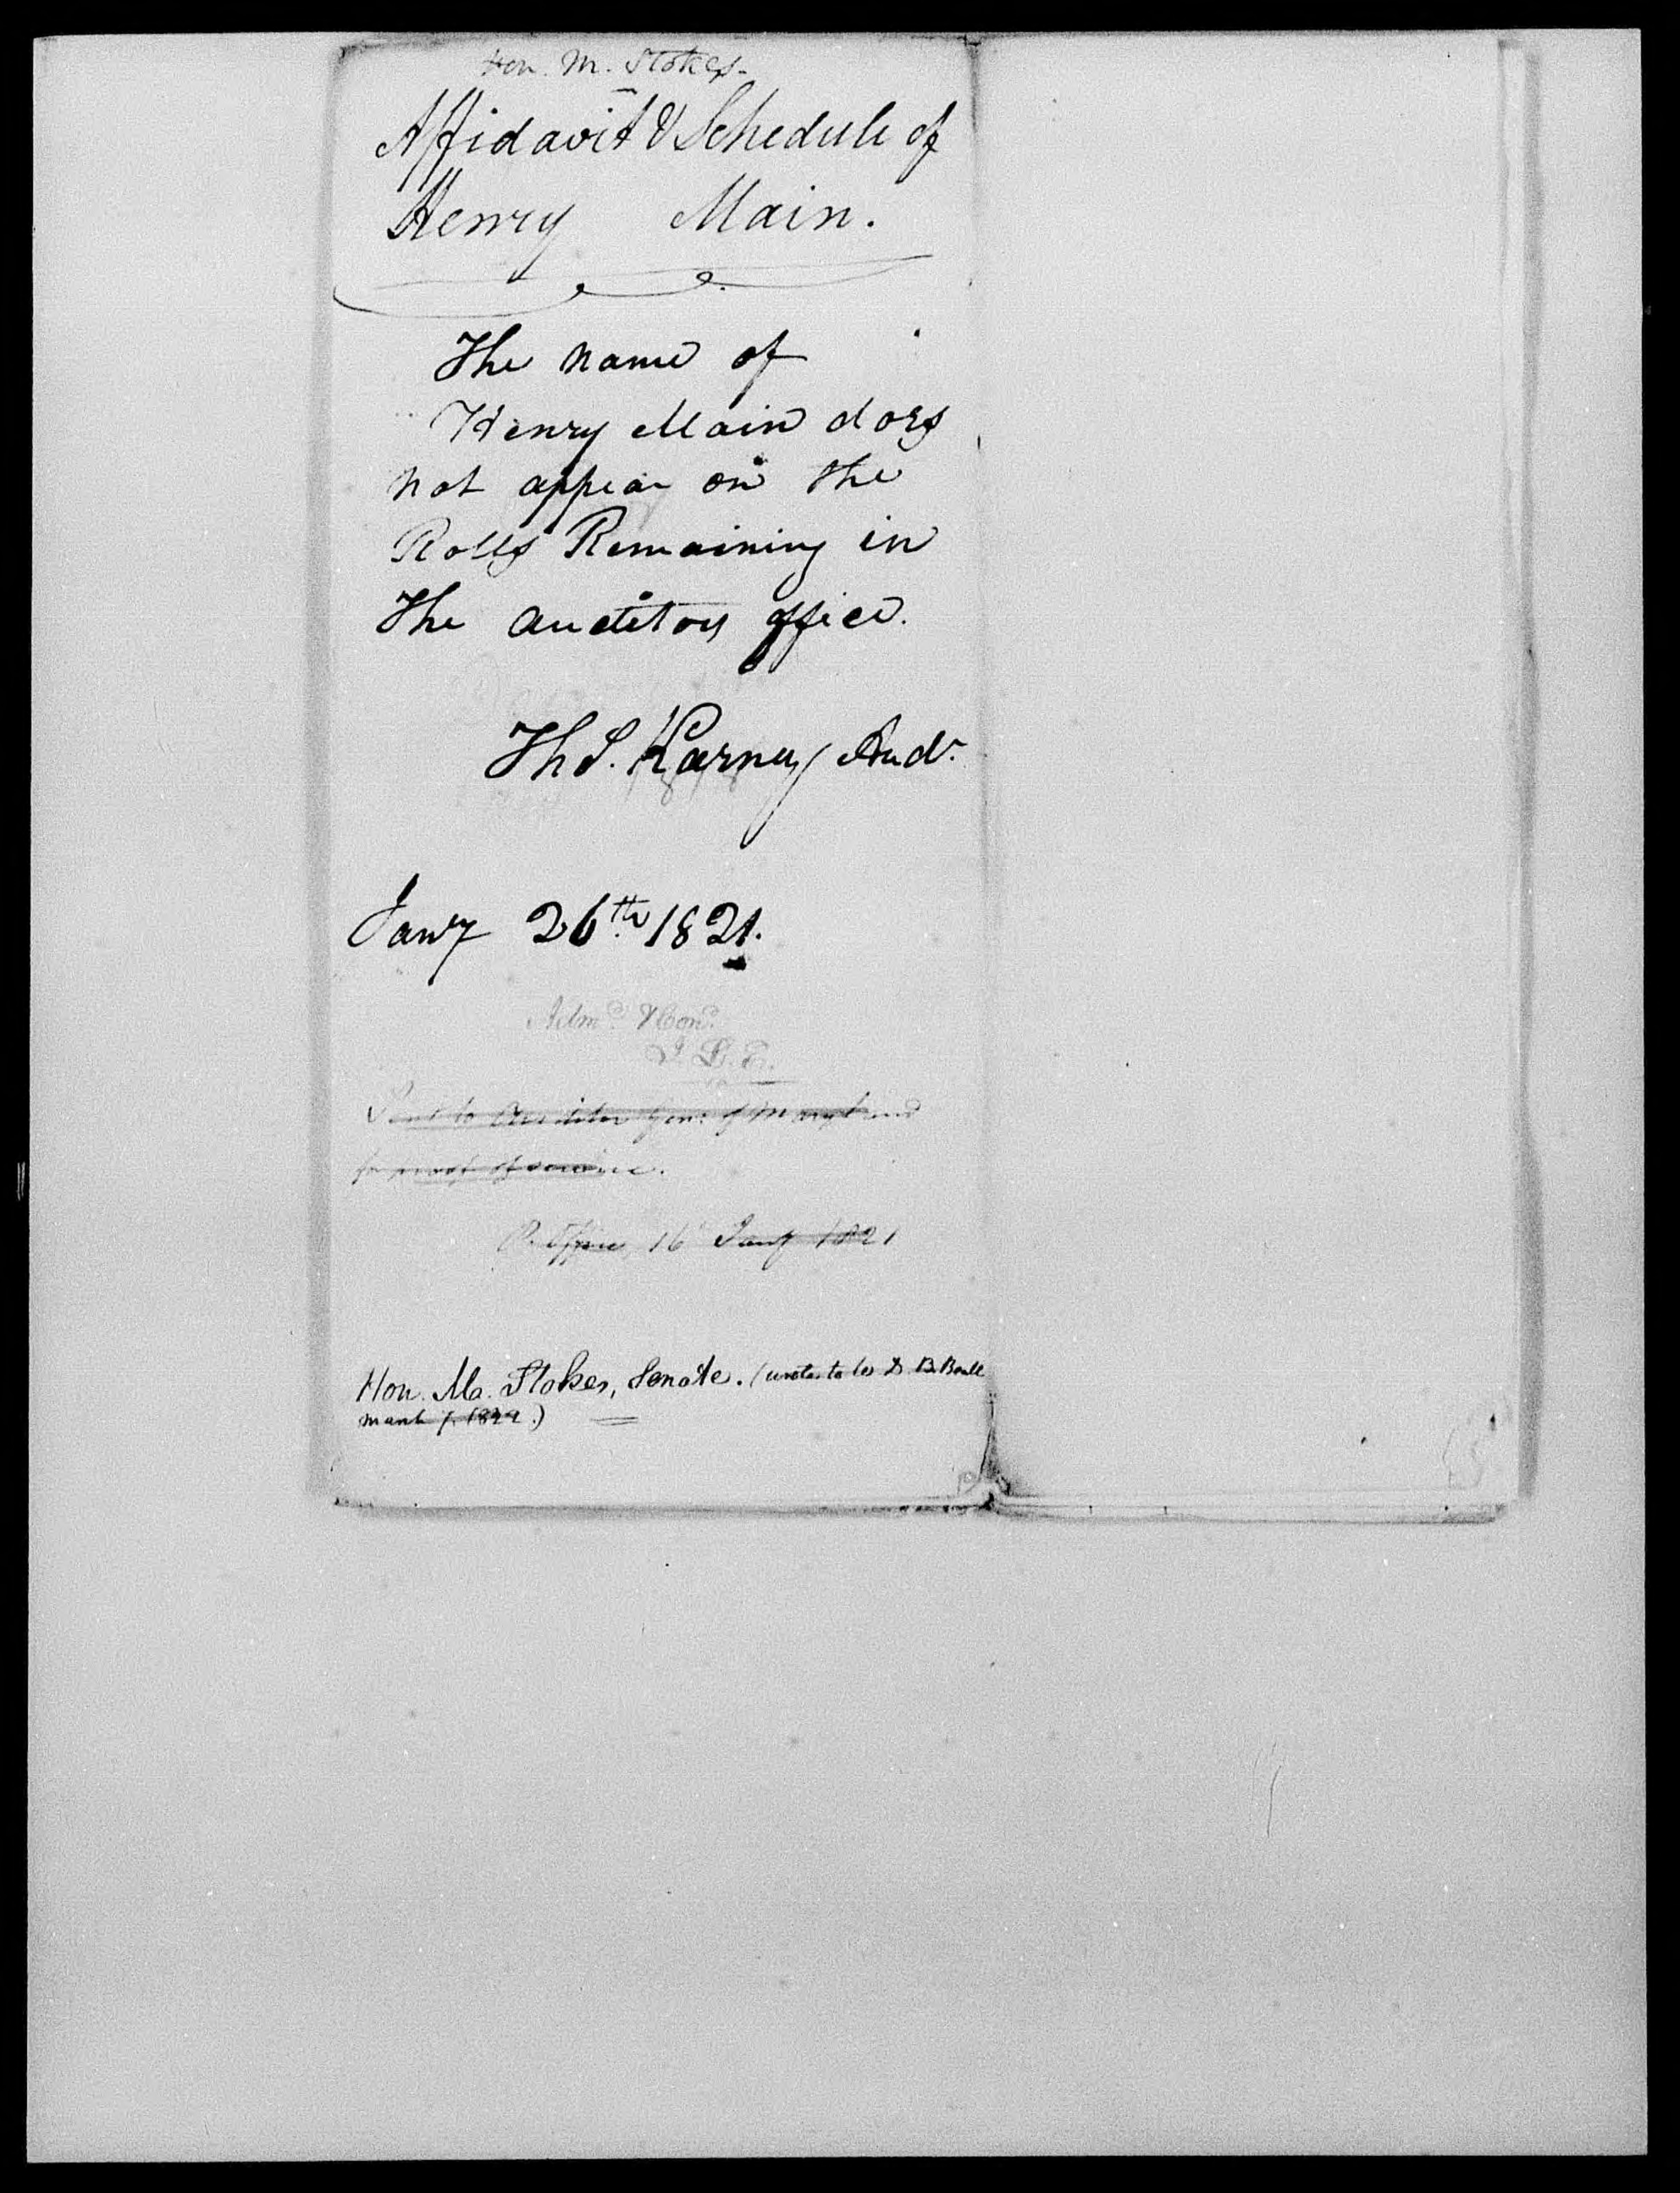Hon M. Stokes
Affidavit & Schedule of
Henry
Main
---
The name of
Henry Main does
not appear on the
Rolls remaining in
The Auditors office.
Thos Karney, Aud

Jany 26th 1821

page: 3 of 13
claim: survivor's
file: S. 41806, for Henry Main, Maryland